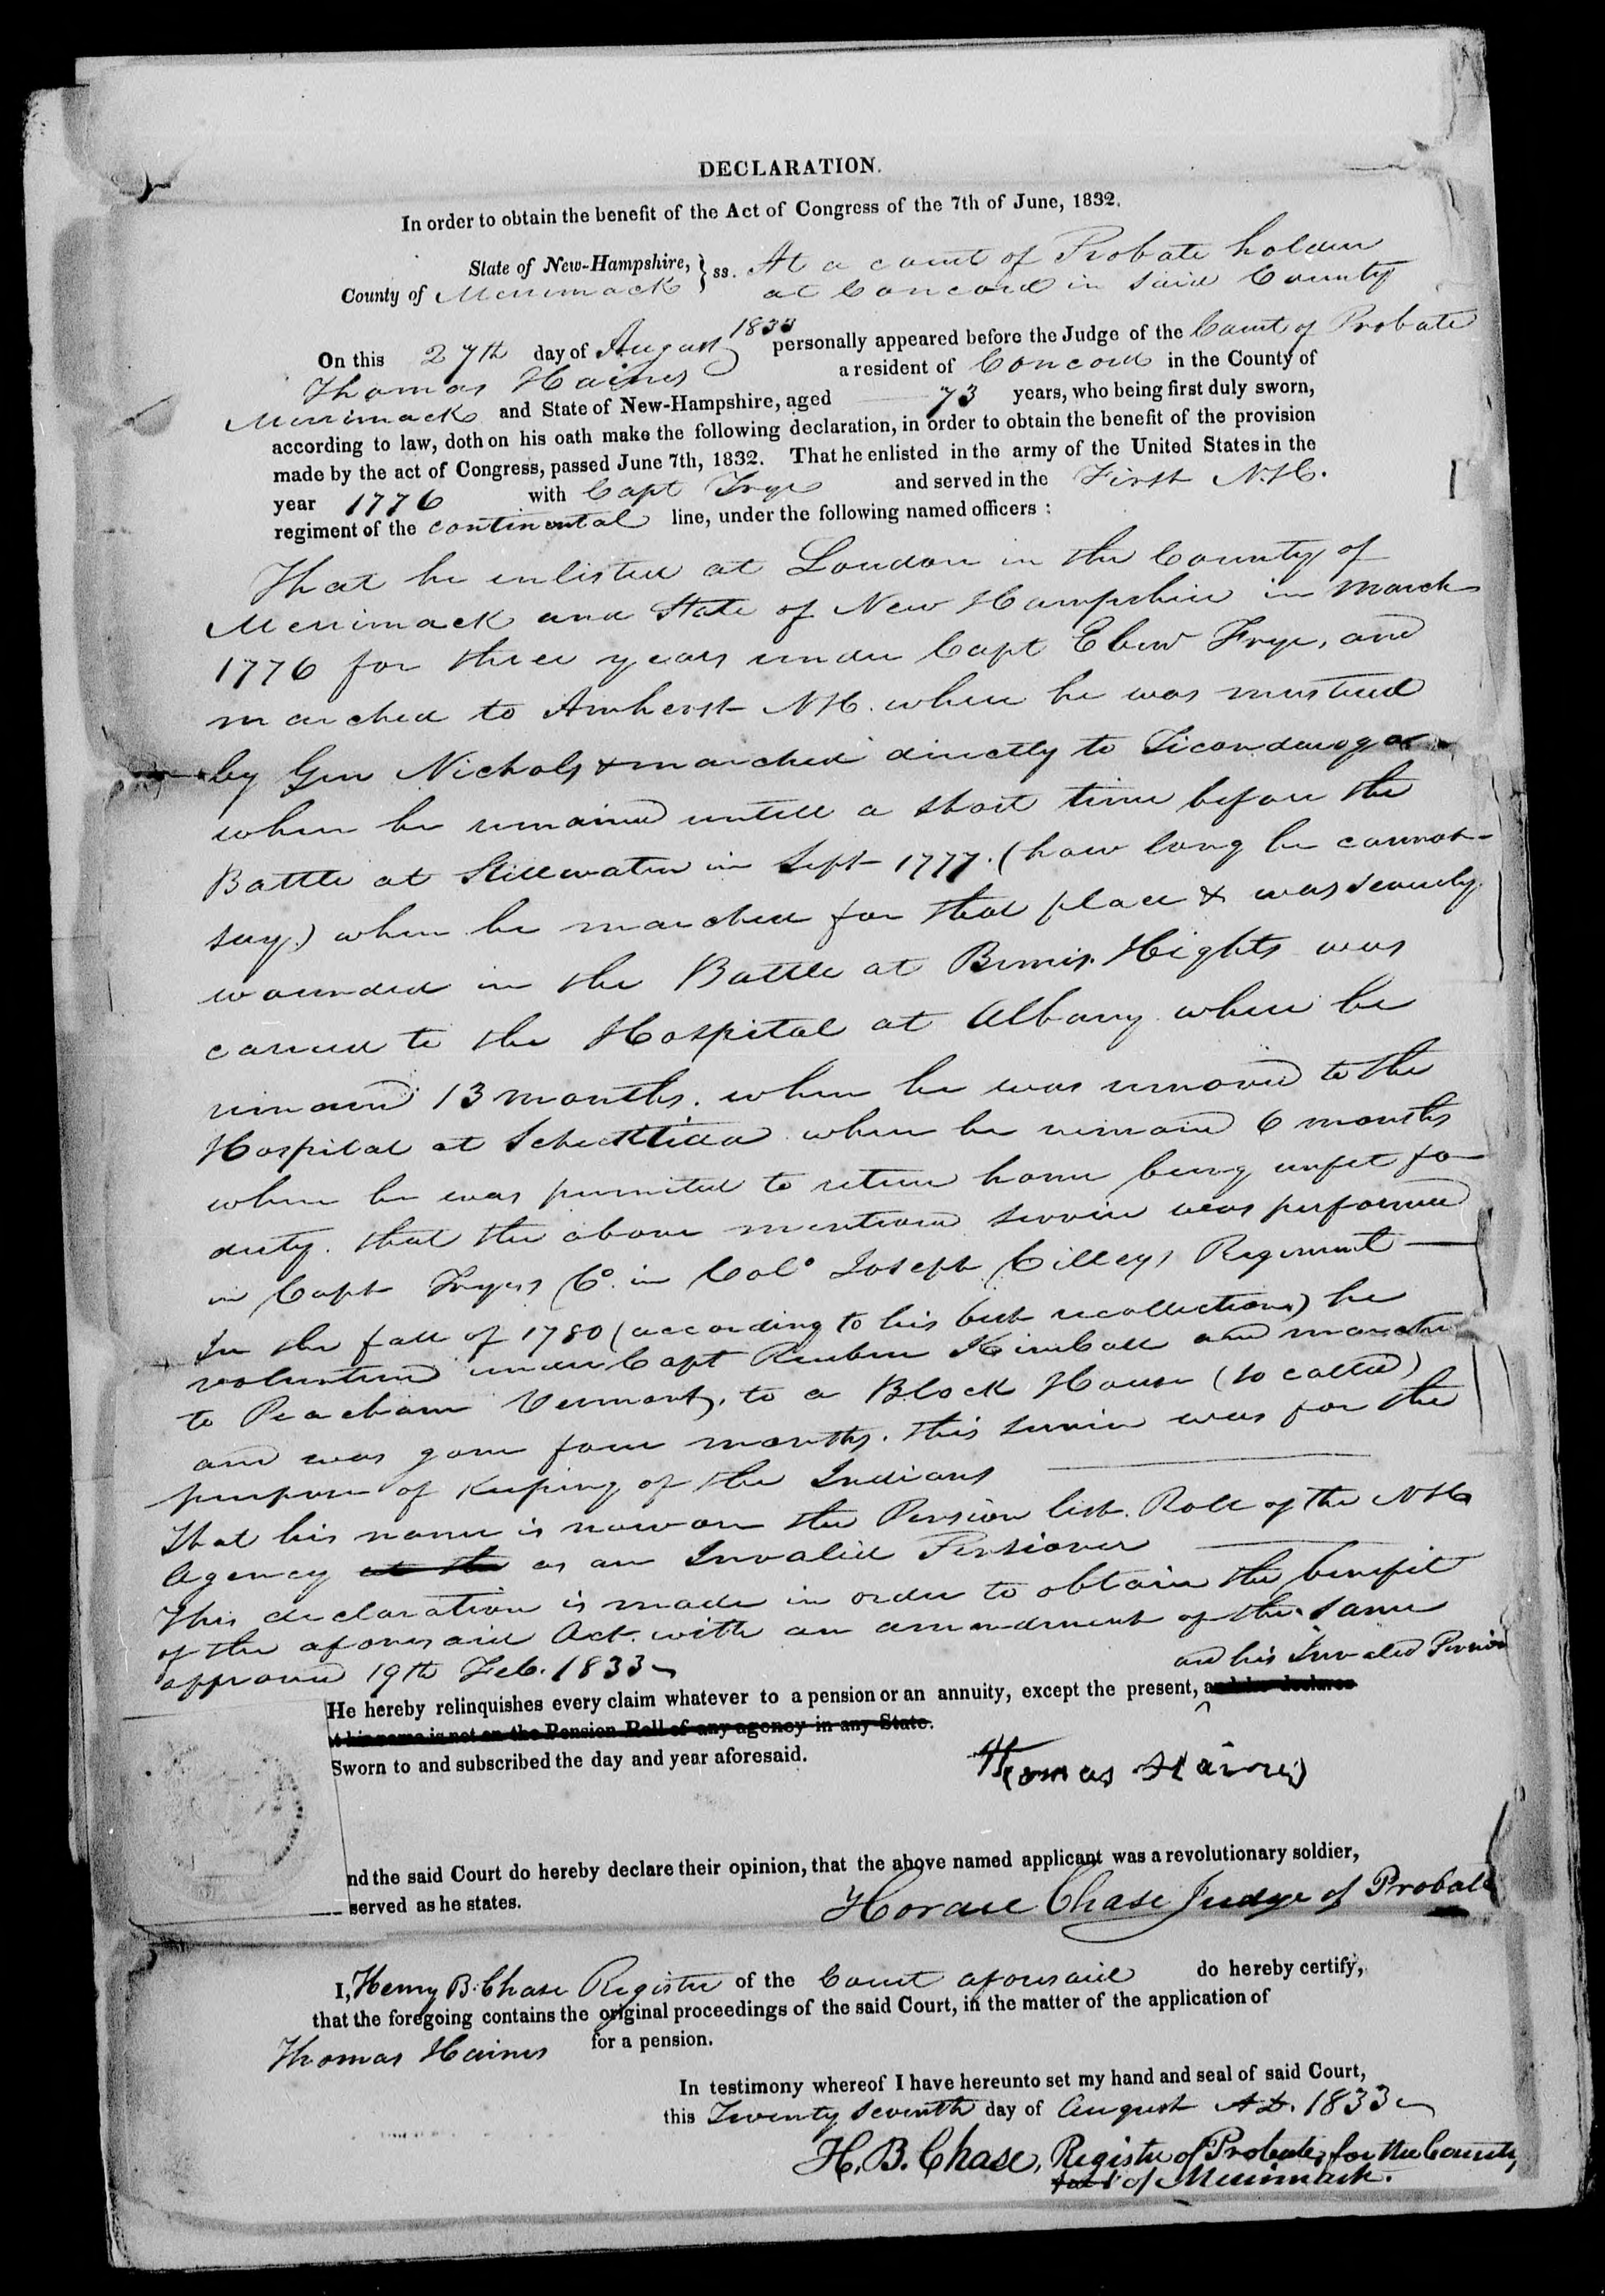DECLARATION.
In order to obtain the benefit of the Act of Congress of the 7th of June, 1832.
State of New Hampshire, County of Merrimack
SS At a Court of Probate holden
at Concord in said County

On this 27th day of August 8 1833 personally appeared before the Judge of the Court of Probate
Thomas Haines
a resident of Concord in the County of
Merrimack and State of New-Hampshire, aged
73 years, who being first duly sworn,
according to law, doth on his oath make the following declaration, in order to obtain the benefit of the provision
made by the act of Congress, passed June 7th, 1832. That he enlisted in the army of the United States in the year 1776
with Capt Trye
and served in the Firth N.H.
regiment of the continental line, under the following named officers:
That he enlisted at Loudon in the County of
Merrimack and State of New Hampshire in March 1776 for three years under Capt Eben Frye, and marched to Amherst N.H. where he was mustered by Gen Nichols & marched directly to Ticonderoga
where he remained untill a short time before the
Battle at Stillwater in Sept 1777 (how long be cannot say) 
when he marched for that place & was severely
wounded in the Battle at Bemis Heights was
carried to the Hospital at Albany where be
union 13 months when he was removed to the
Hospital at [illegible Schellia] when he remained 6 months where he was permitted to return
home being unfit for duty that the above  mentioned service was performed
Capt Myer Co in Col Joseph Cilleys Regiment
in the fall of 1780 (according to his best recollection) he [illegible]
time under Capt Reuben Kimball and marched to
Peacham Vermont, to a Block House (so called)
and was gone four months. this service was for the
of keeping of the Indians

That his name is now on the Pension list Roll of the N. H. agency
as an Invalid Pensioner
This declaration is made in order to obtain the benefit of this 
aforesaid act with an amendment of the same
[illegible and] 19th Feb. 1833-

He hereby relinquishes every claim whatever to a pension or an annuity, except the present, and his survived Pension
Sworn to and subscribed the day and year aforesaid.
Thomas Harris
and the said Court do hereby declare their opinion, that the above named applicant was a revolutionary soldier,
served as he states.
Horace Chase Judge of Probate
I Henry B Chase Register of the Court aforesaid
do hereby certify,
that the foregoing contains the original proceedings of the said Court, in the matter of the application of
Thomas Haines
for a pension.
In testimony whereof I have hereunto set my hand and seal of said Court,
this Twenty seventh day of August AD. 1833
H.B. Chase,
Register of Probate for the County
of Merrimack.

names: Horace Chase, Thomas Haines, Frye, Joseph Cilley, Nichols, H B Chase, Frye, Thomas Haines, Henry B Chase, Reuben Kimball, Ebenr Frye, Thomas Haines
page: 54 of 57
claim: widow's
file: W. 23217, Thomas Haines, N H